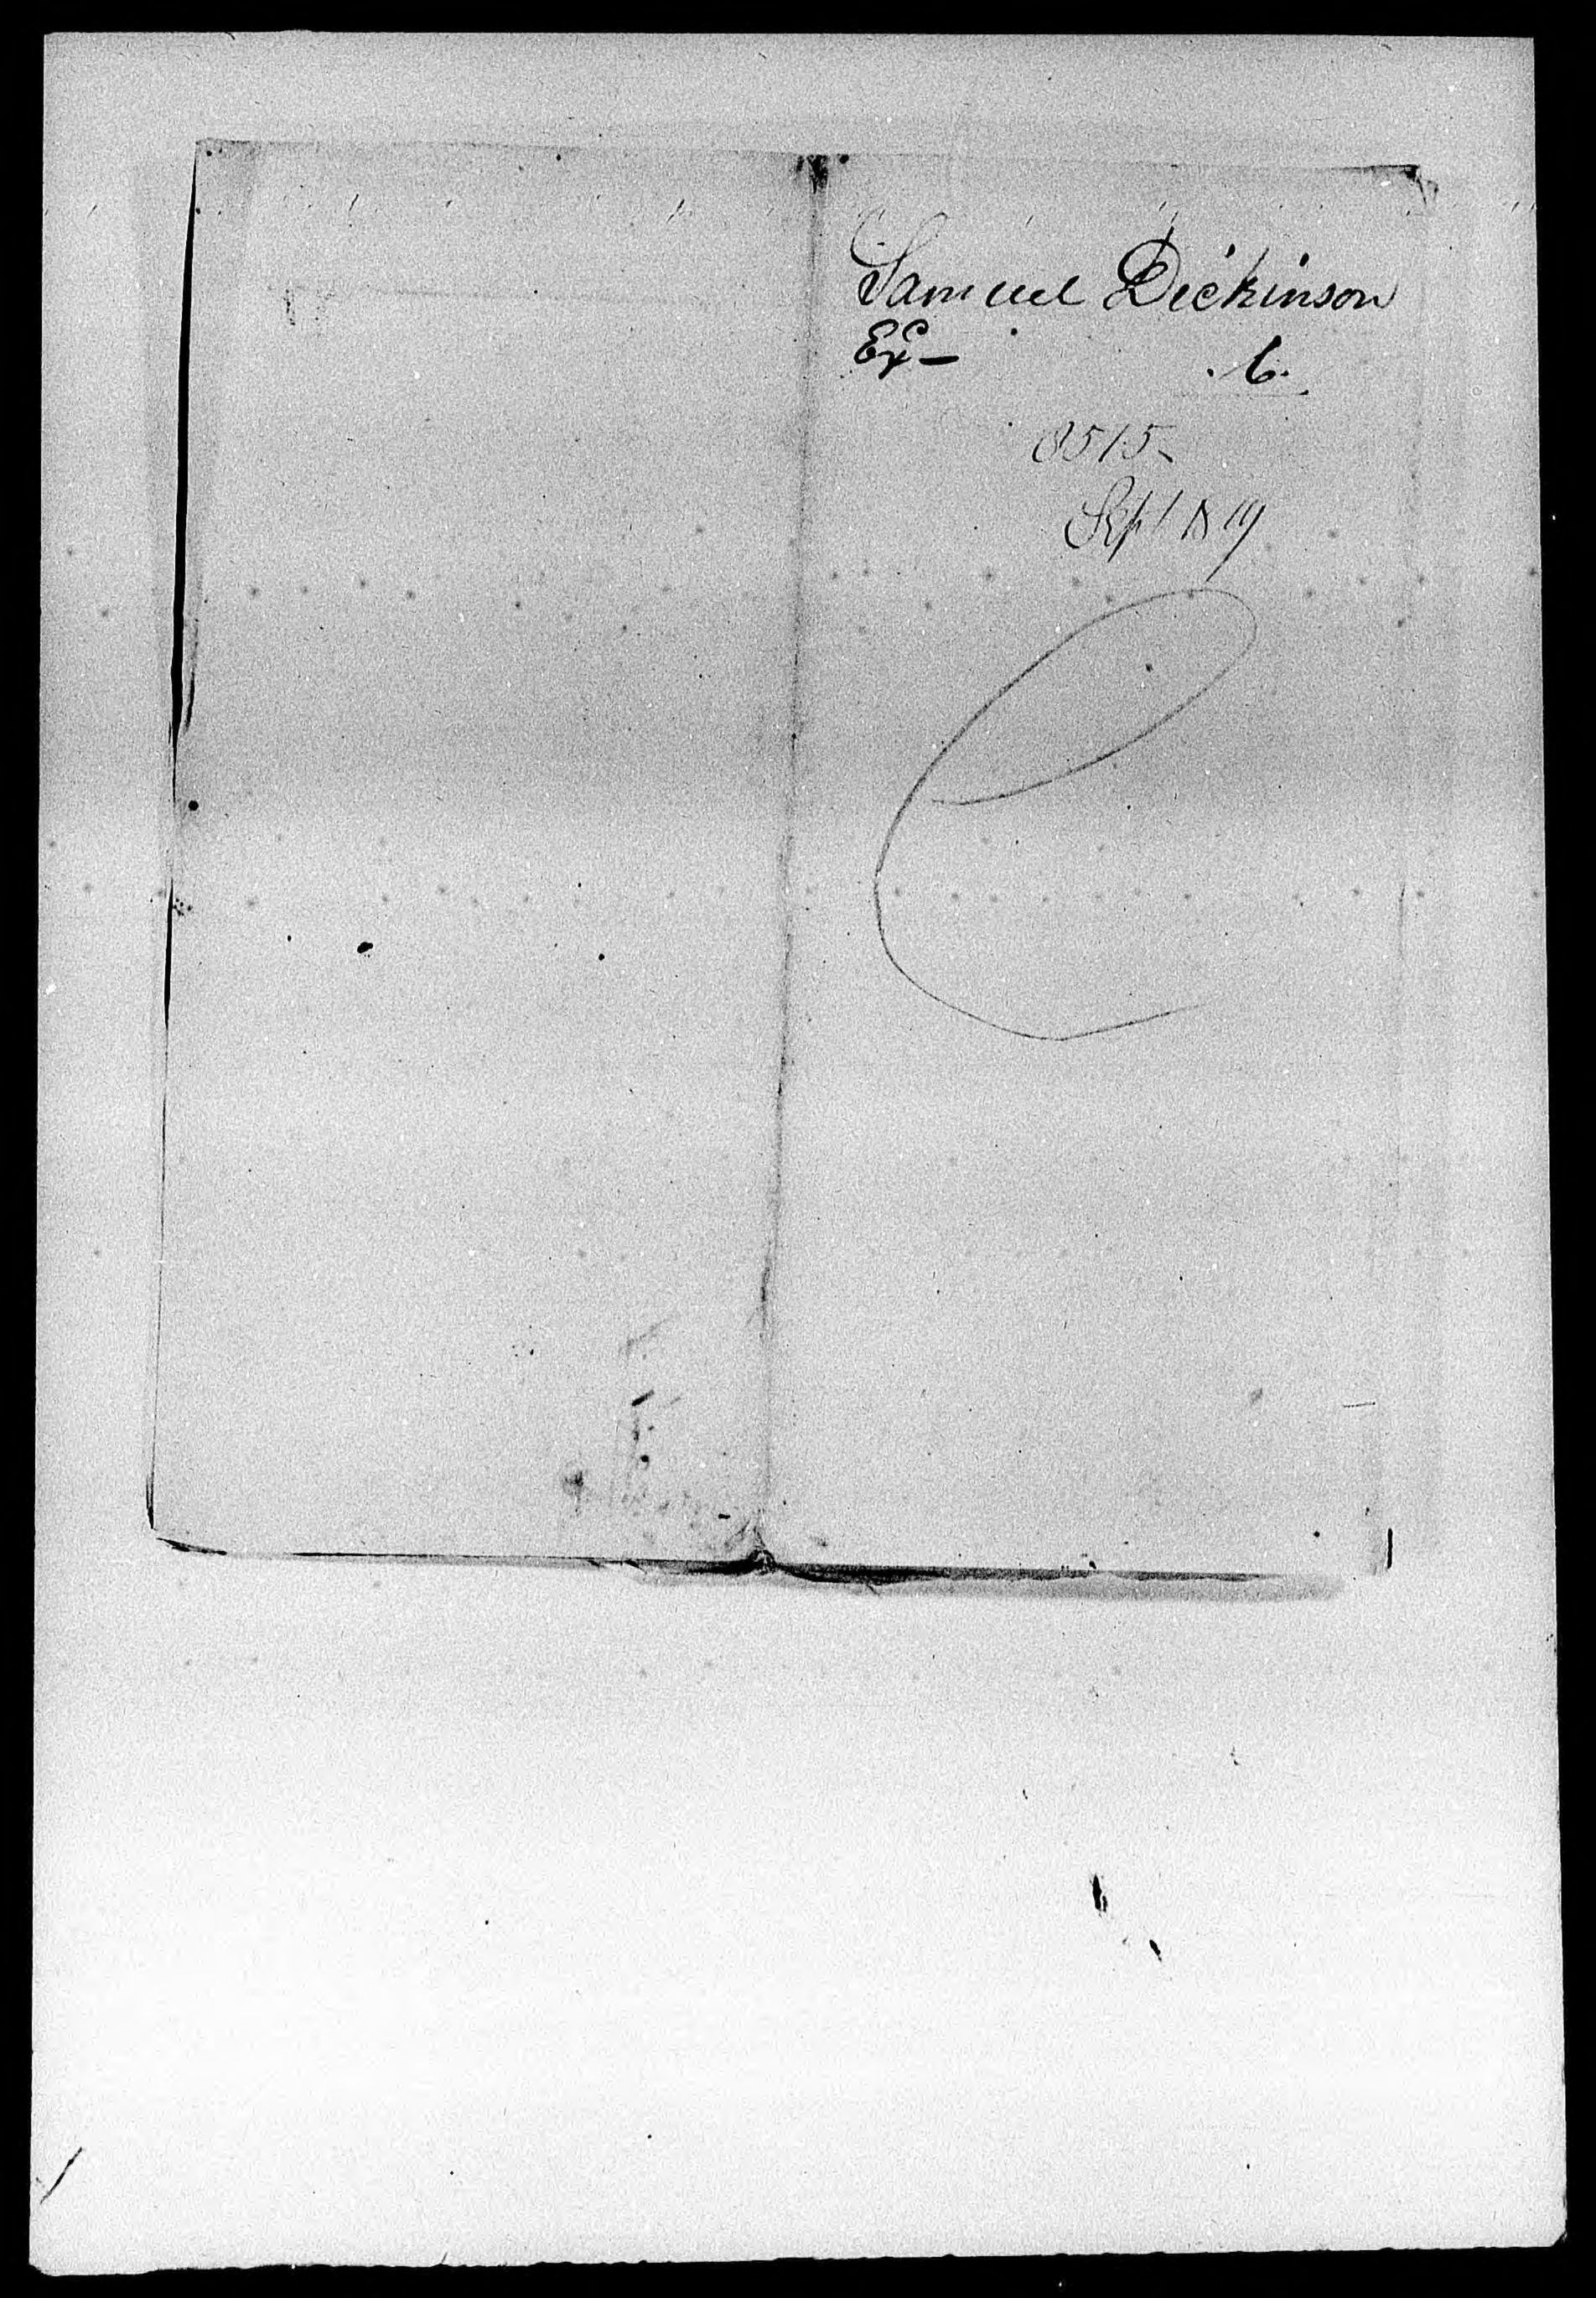Samuel Dickinson
Etc        C
0515-
Sep 1 1819
C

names: Samuel Dickinson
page: 2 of 60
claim: widow's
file: W 16,955, Samuel Dickinson, Conn.